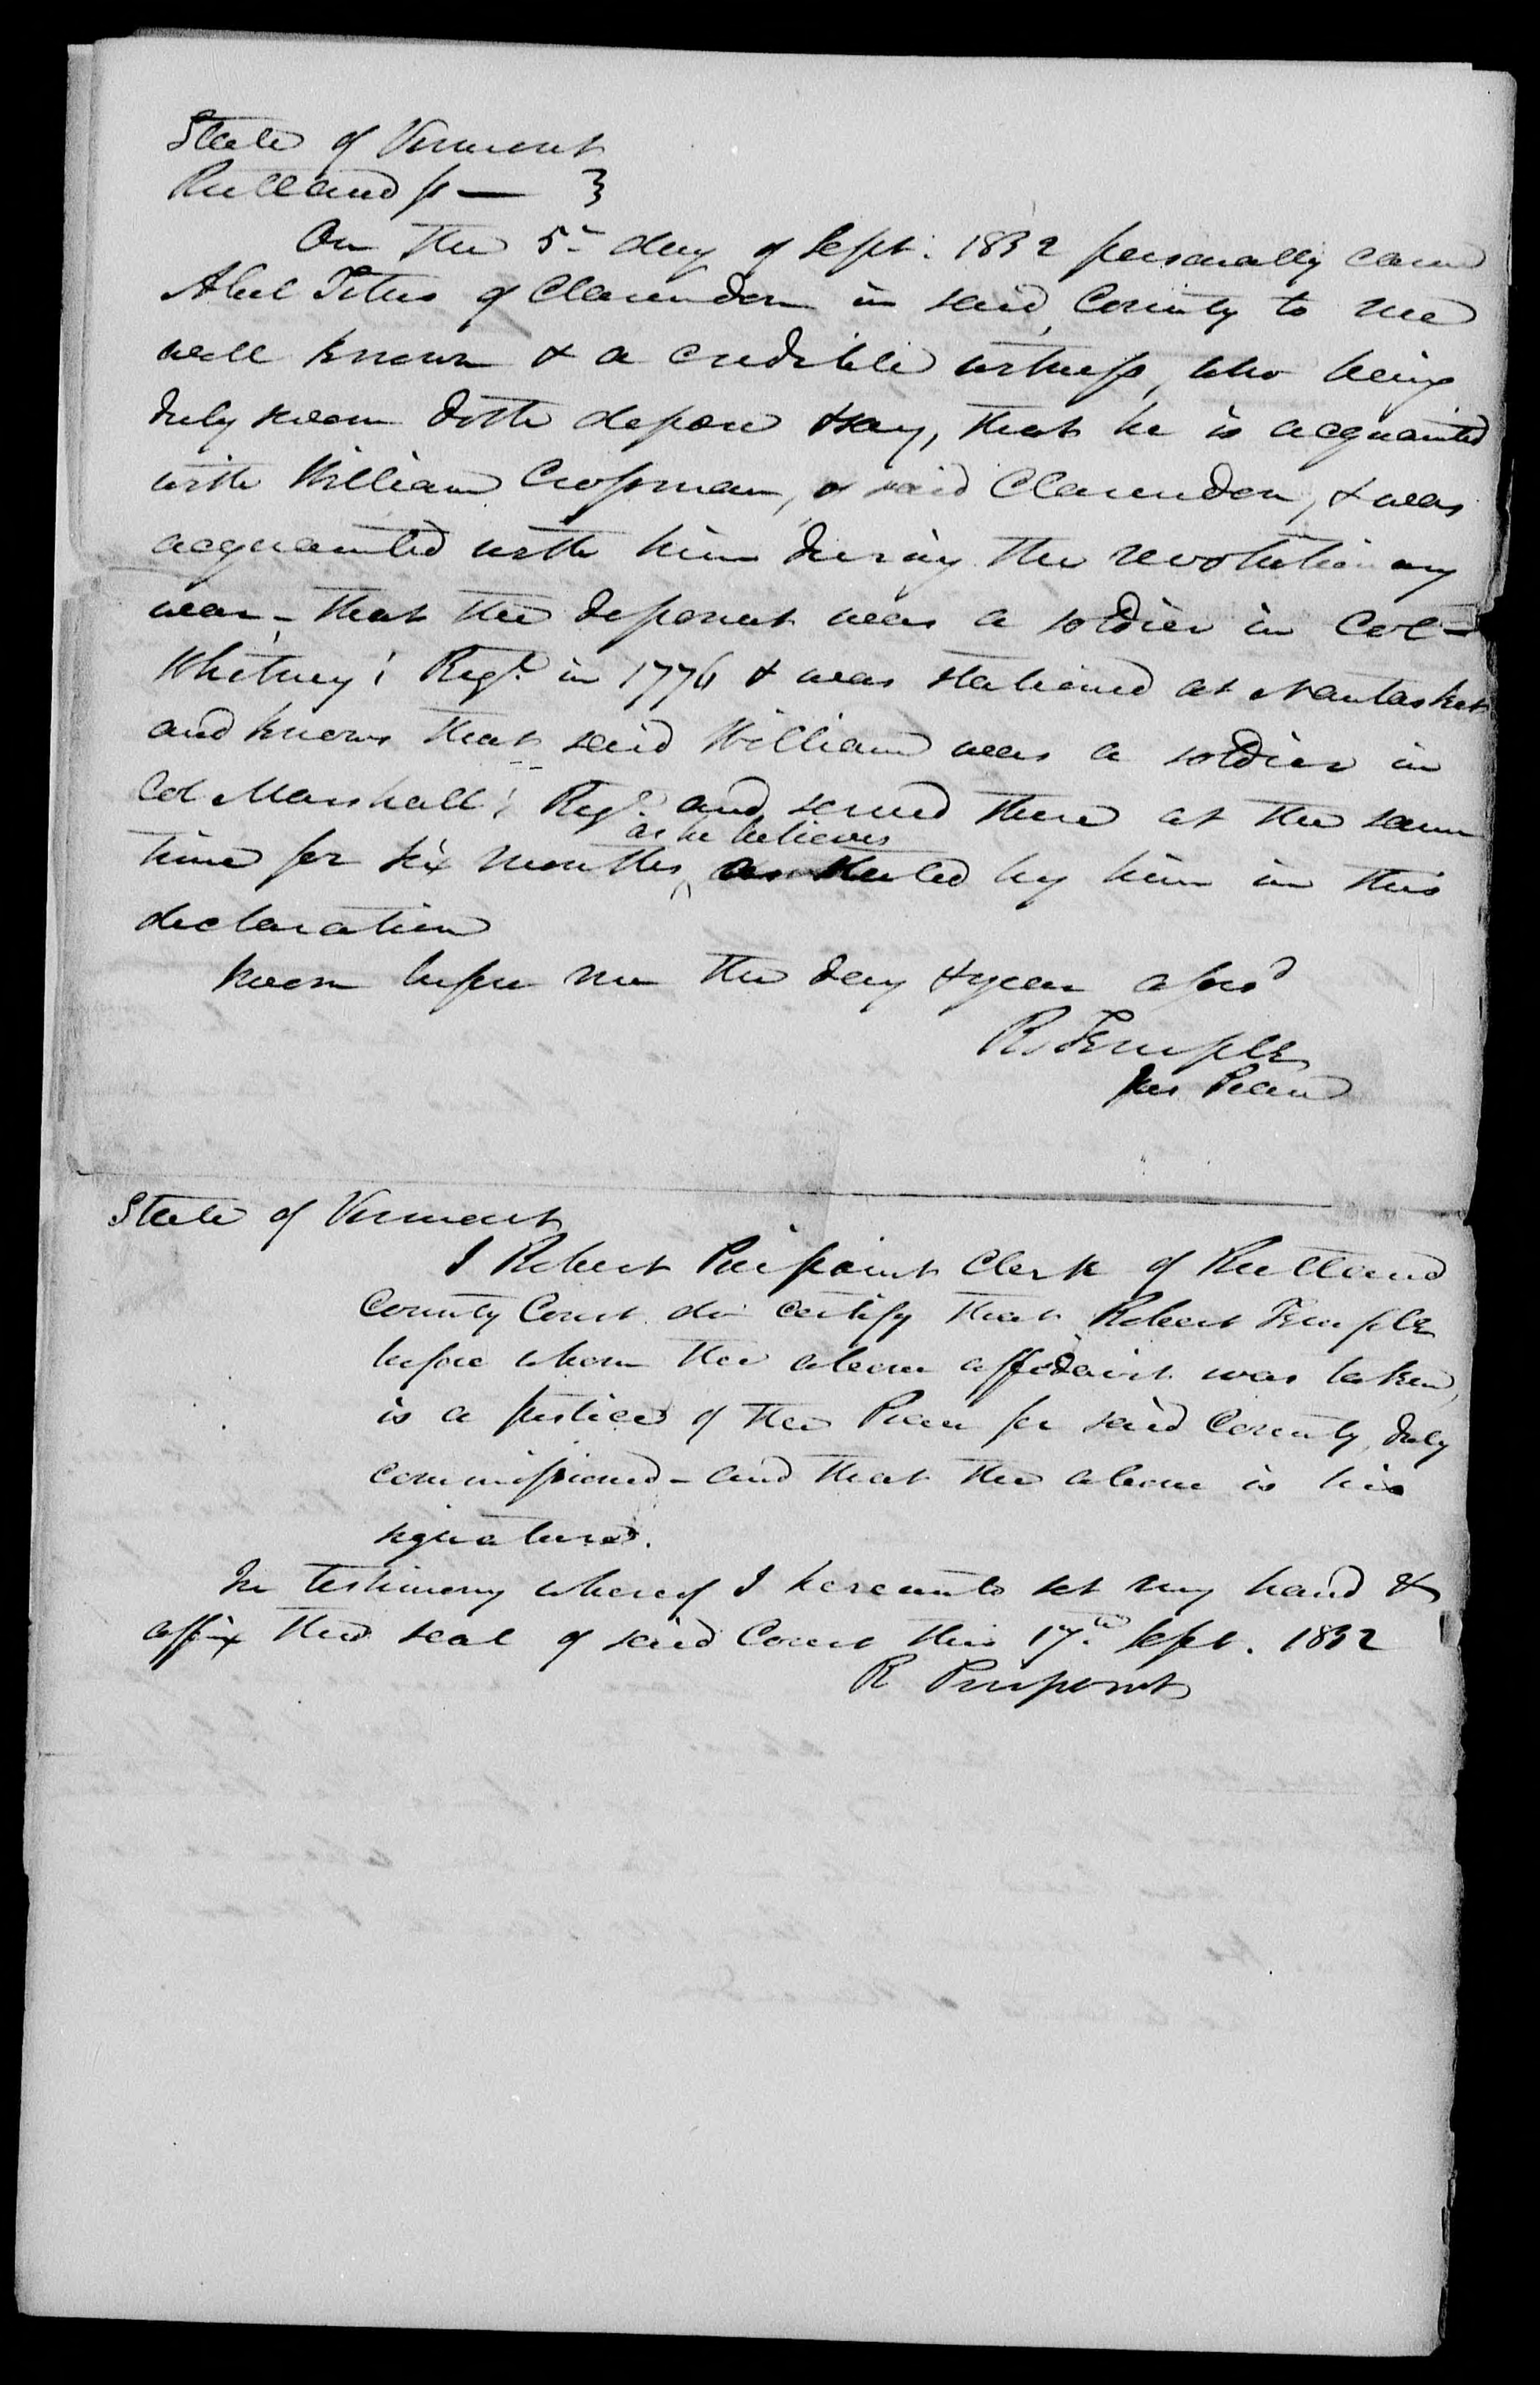State of Vermont
Rutland ss - }
On the 5th day of Sept: 1832 personally came Abel Titus of Clarendon in said County to me well known + a credible witness, who being duly sworn doth depose + say, that he is acquainted with William Crossman, of said Clarendon, + was acquainted with him during the revolutionary war - that the deponent was a soldier in Col Whitney: Reg't in 1776 + was stationed at Nantasket and knows that said William was a soldier in Col Marshall: Reg't and served there at the same time for this six months as he believes as stated by him in this declaration
Sworn before me the day + year afores'd
/s/R. Temple
Jus Peace

State of Vermont
I Robert Pierpoint Clerk of Rutland County Court do certify that Robert Temple before whom the above affidavit was taken, is a Justice of the Peace for said County duly commissioned - and that the above is his signature.
[court seal affixed]
In testimony whereof I hereunto set my hand + affix the said of said Court this 17th Sept. 1832
/s/R Pierpoint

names: Clarenden, William Crossman, R Temple, Robert Pierpoint, Abel Titus, R Pierpoint, William, Robert Temple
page: 5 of 33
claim: survivor's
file: S. 12632, William Crossman, Mass. Vt.